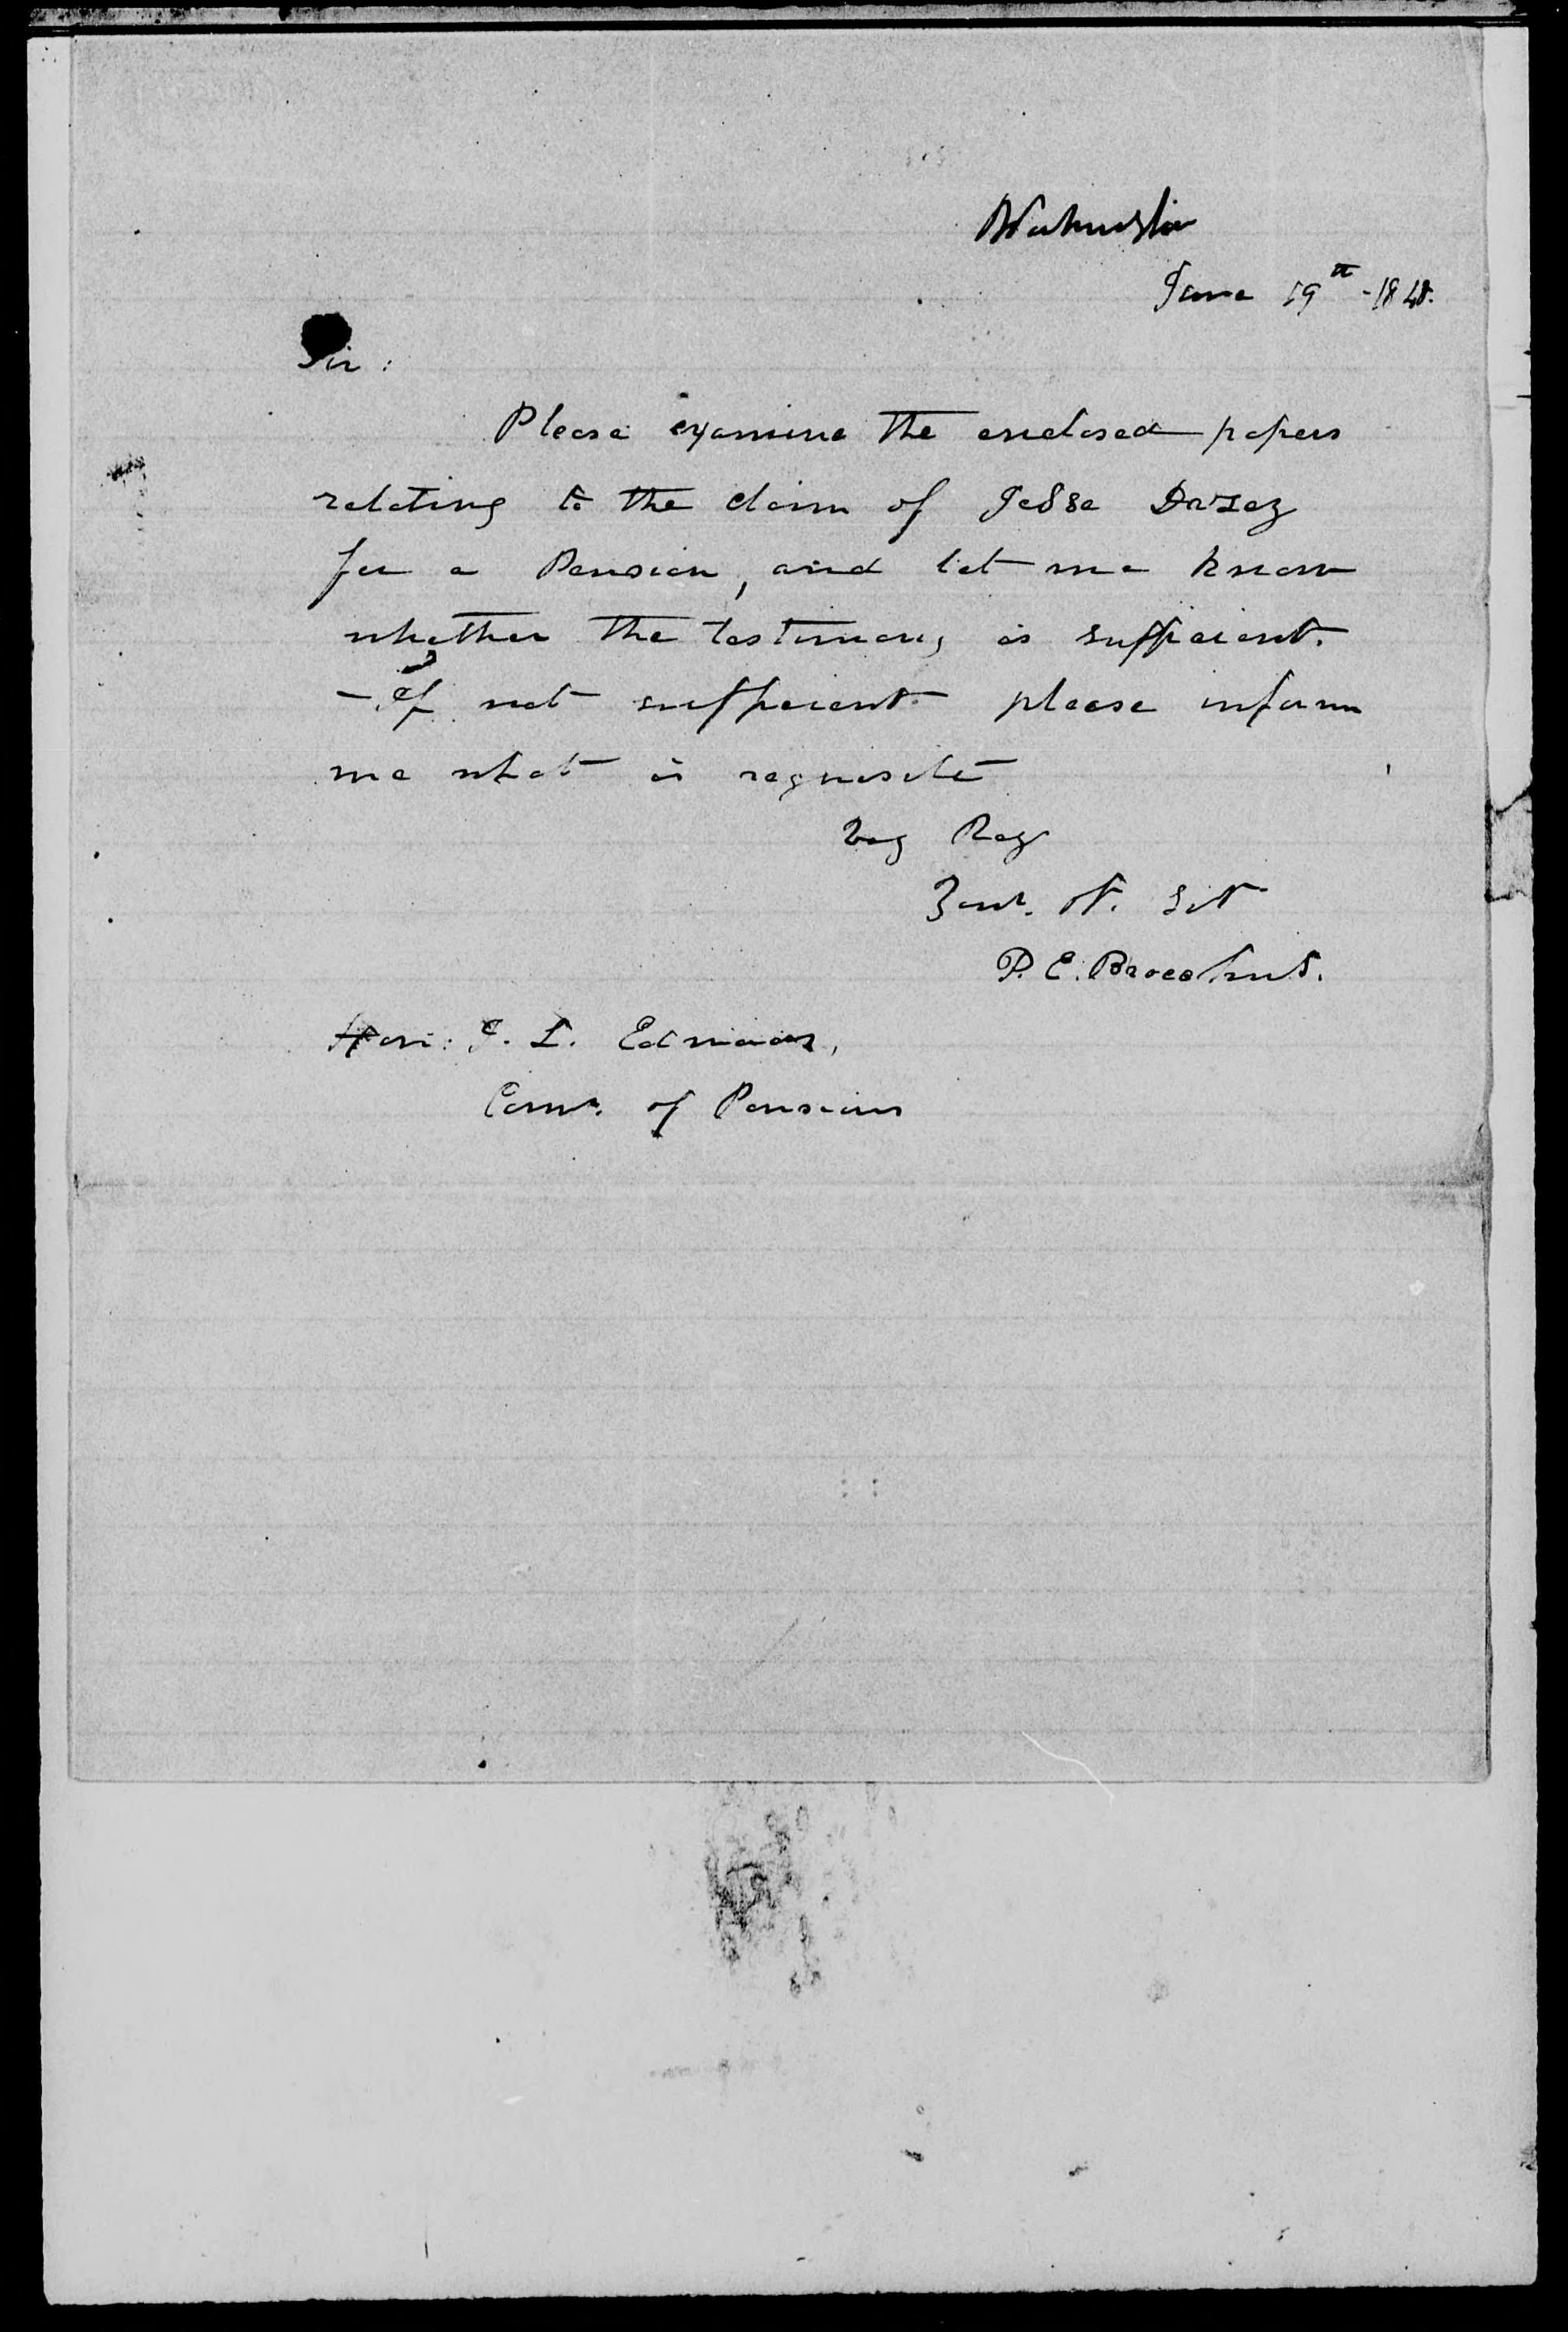Washington
June 19th 1843
Please examine the enclosed papers
relating to the claim of Jesse Dazey
for a Pension, and let me know
whether the testimony is sufficient.
--or not sufficient. please inform
me what is requisite

[illegible]
[illegible]
P. E. Brocchus
for J. L. Edwards
Com of Pensions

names: Jesse Dazey, P E Brocchus, J L Edwards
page: 29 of 32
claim: rejected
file: R. 2795, Jesse Dazey, Del.